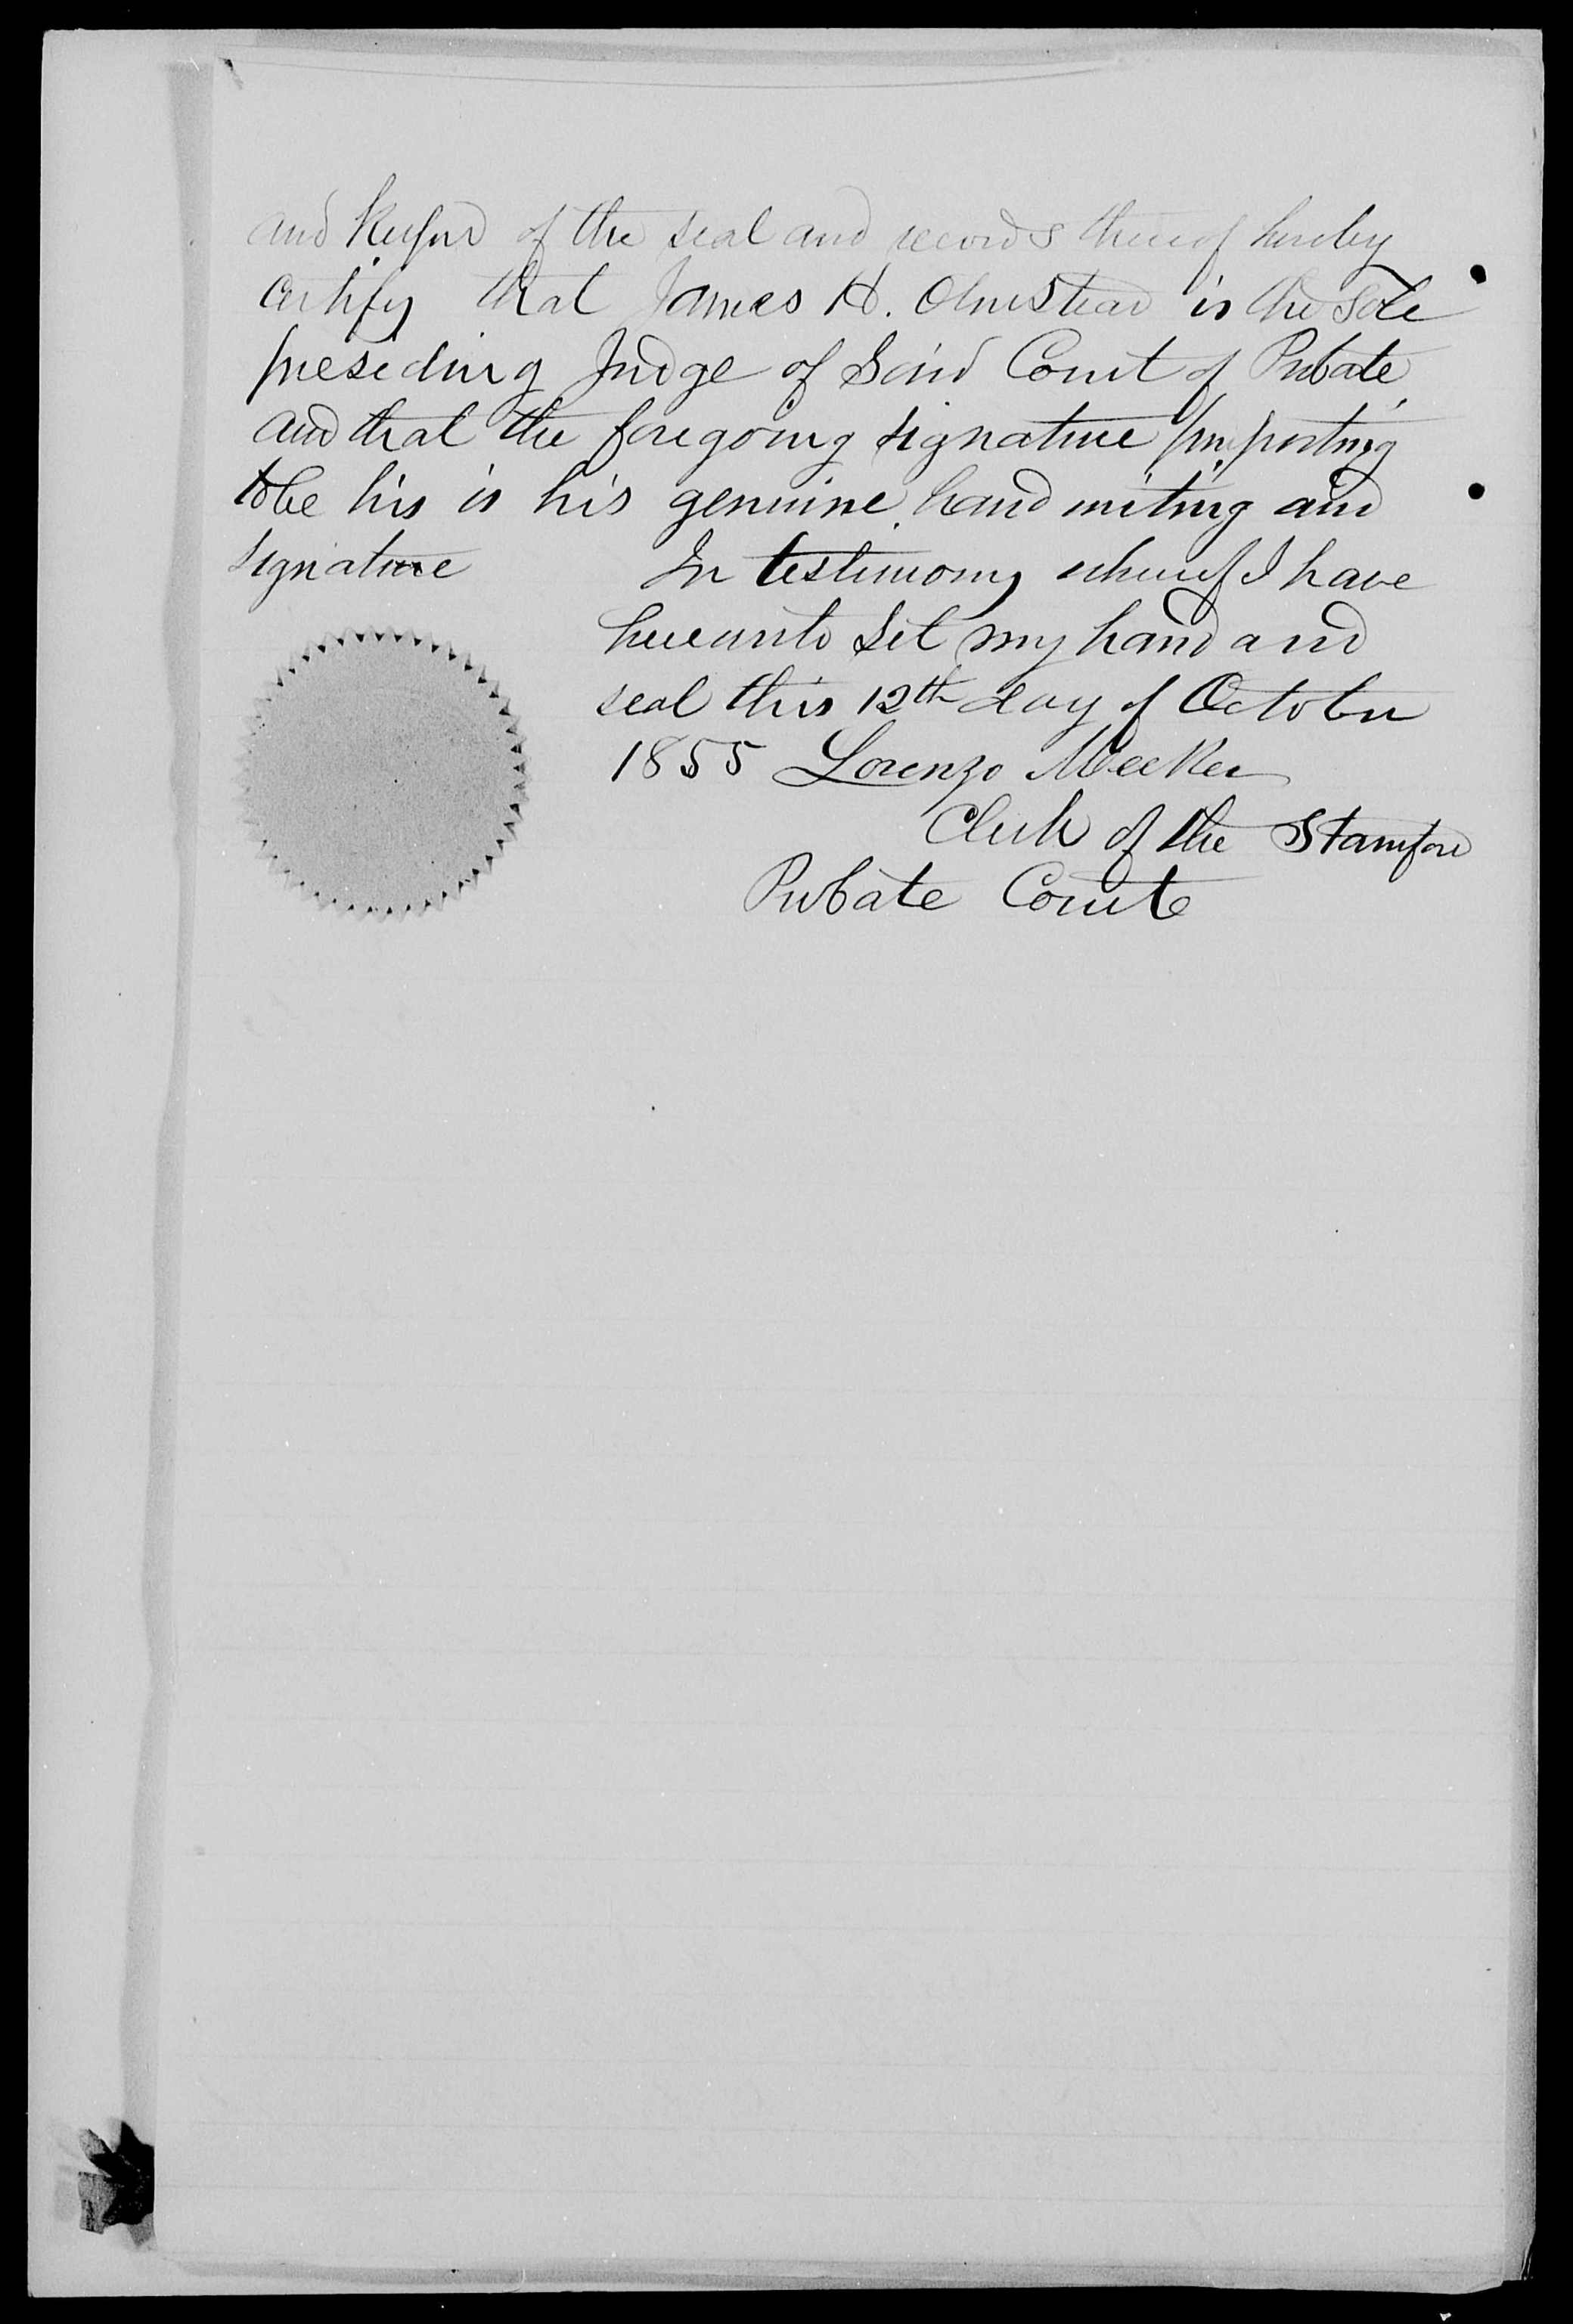and keeper of the seal and record thereof hereby certify that James H. Olmstead is the sole presiding Judge of said Court of Probate and that the foregoing signature purporting to be his is his genuine hand writing and Signature 
In testimony whereof I have hereunto set my hand and seal this 12th day of October 1855
Lorenzo Meeker Clerk of the Stamford Probate Court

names: Lorenzo Meeker; James H Olmstead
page: 17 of 43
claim: rejected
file: R. 5655, for Samuel Johnson, Connecticut